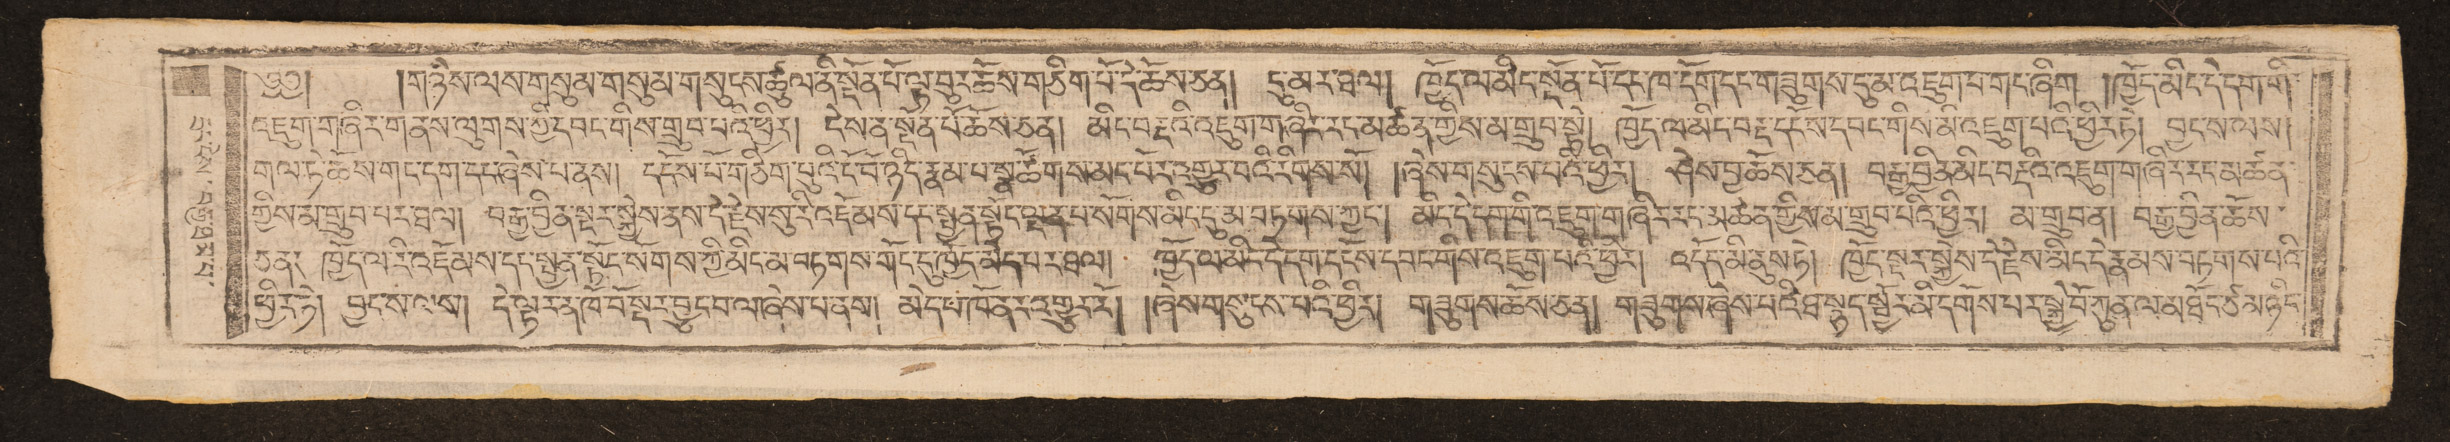༄༅། །གཉིས་ལས་གསུམ་གསུམ་གསུངས་ཚུལ་ནི་སྔོན་པོ་ལྟ་བུར་ཆོས་གཅིག་པོ་དེ་ཆོས་ཅན། དུ་མར་ཐལ། ཁྱོད་ལ་མིང་སྔོན་པོ་དང་ཁ་དོག་དང་གཟུགས་དུ་མ་འཇུག་པ་གང་ཞིག །ཁྱོད་མིང་དེ་དག་གི་
འཇུག་གཞིར་གནས་ལུགས་ཀྱི་དབང་གིས་གྲུབ་པའི་ཕྱིར། དེས་ན་སྔོན་པོ་ཆོས་ཅན། མིང་བརྡའི་འཇུག་གཞིར་རང་མཚན་གྱིས་མ་གྲུབ་སྟེ། ཁྱོད་ལ་མིང་བརྡ་དངོས་དབང་གིས་མི་འཇུག་པའི་ཕྱིར་ཏེ། བྱང་ས་ལས།
གལ་ཏེ་ཆོས་གང་དག་དང་ཞེས་པ་ནས། དངོས་པོ་གཅིག་པུའི་ངོ་བོ་ཉིད་རྣམ་པ་སྣ་ཚོགས་མང་པོར་འགྱུར་བའི་རིགས་སོ། །ཞེས་གསུངས་པའི་ཕྱིར། ཤེས་བྱ་ཆོས་ཅན། བརྒྱ་བྱིན་མིང་བརྡའི་འཇུག་གཞིར་རང་མཚན་
གྱིས་མ་གྲུབ་པར་ཐལ། བརྒྱ་བྱིན་སྔར་སྐྱེས་ནས་དེ་རྗེས་སུ་རི་འཇོམས་དང་སྤྱན་སྟོང་ལྡན་པ་སོགས་མིང་དུ་མ་བཏགས་ཀྱང་། མིང་དེ་དག་གི་འཇུག་གཞིར་རང་མཚན་གྱིས་མ་གྲུབ་པའི་ཕྱིར། མ་གྲུབ་ན། བརྒྱ་བྱིན་ཆོས་
ཅན༑ ཁྱོད་ལ་རི་འཇོམས་དང་སྤྱན་སྟོང་སོགས་ཀྱི་མིང་མ་བཏགས་གོང་དུ་ཁྱོད་མེད་པར་ཐལ། ཁྱོད་ལ་མིང་དེ་དག་དངོས་དབང་གིས་འཇུག་པའི་ཕྱིར། འདོད་མི་ནུས་ཏེ། ཁྱོད་སྔར་སྐྱེས་དེ་རྗེས་མིང་དེ་རྣམས་བཏགས་པའི་
ཕྱིར་ཏེ། བྱང་ས་ལས། དེ་ལྟར་ན་ཁོ་བོ་སྔར་བྱུང་བ་ལ་ཞེས་པ་ནས། མེད་པ་ཁོ་ནར་འགྱུར་རོ། །ཞེས་གསུངས་པའི་ཕྱིར། གཟུགས་ཆོས་ཅན། གཟུགས་ཞེས་པའི་ཐ་སྙད་སྦྱོར་མི་དགོས་པར་སྐྱེ་བོ་ཀུན་ལ་མཐོང་ཙམ་ཉིད་